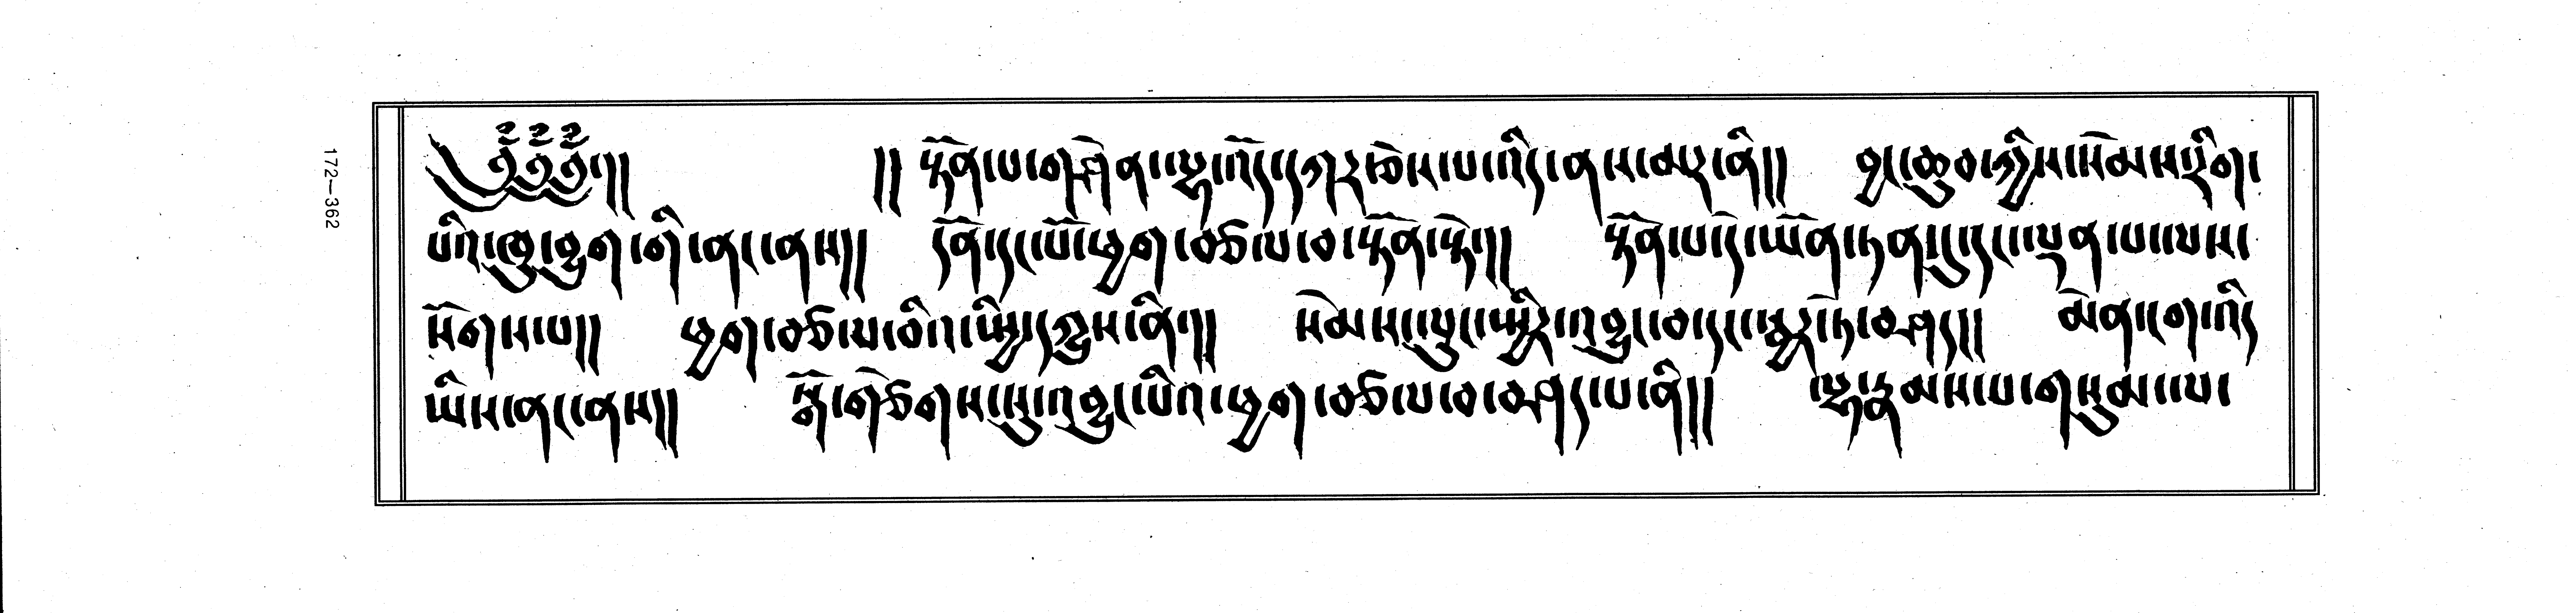༄༅༅།། །།སྟོན་པ་གཤེན་ལྷ་འོད་དཀར་ཅེས་པ་འདི་ནས་མར་ནི། བྱང་ཆུབ་ཀྱིས་སེམས་རིག་
པའི་ཁུ་བྱུག་གི་ནང་ནས། དོན་དང་པོ་ཕྱག་བཙལ་བ་སྟོན་སྟེ། སྟོན་པ་དེའི་ཡོན་ཏན་དང་ལྡན་པ་ལས་
སོགས་པ། ཕྱག་བཙལ་བའི་སྤྱི་དཀྱུས་ནི། སེམས་ལུང་སྤྱིར་འབྱུང་བ་དང་སྦྱར་ཏེ་བཤད། མན་ངག་འདི་
ཡིས་ནང་ནས། སྒོ་གཙེགས་སུ་འབྱུང་པའི་ཕྱག་བཙལ་བ་བཤད་པ་ནི། ལྷ་རྣམ་པ་གསུམ་ལ་